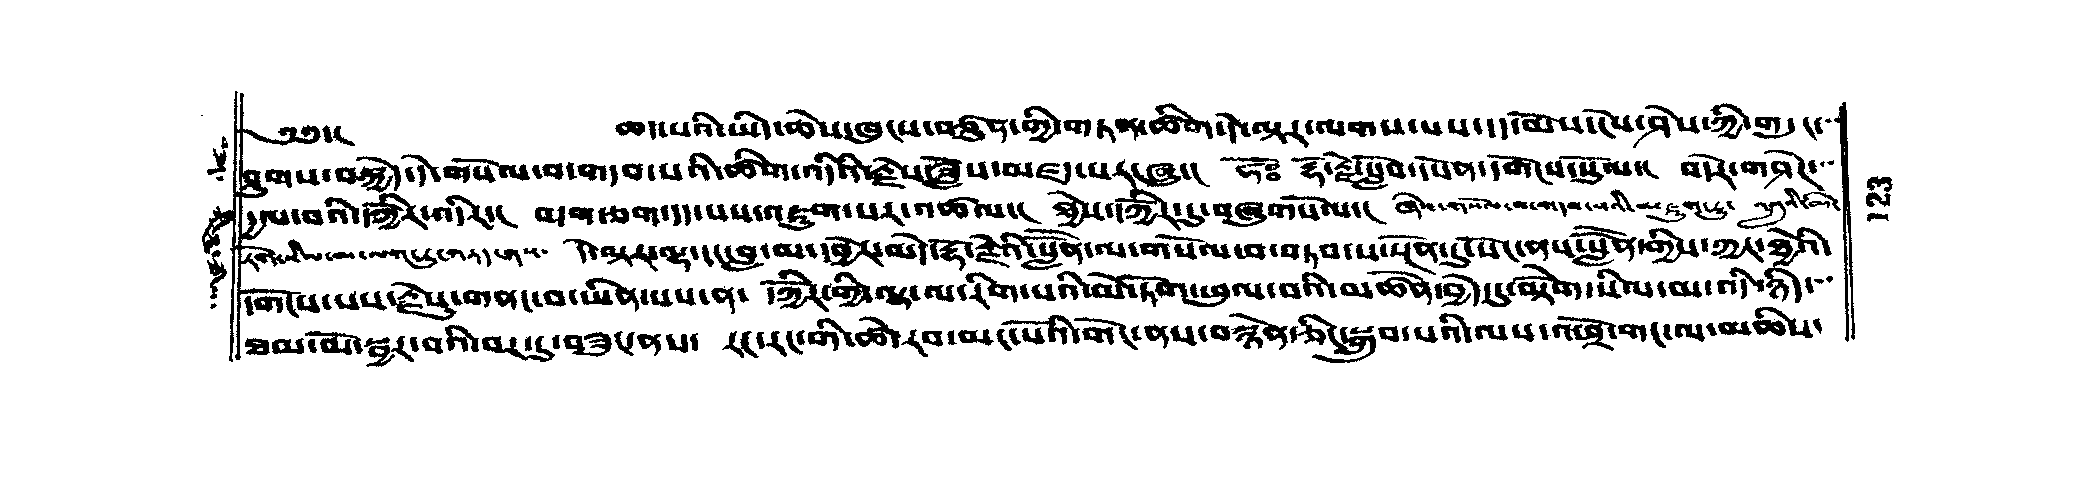ཆད་པའི་ཡིད་ཆེས་ཁུངས་བཙུན་གྱི་གཏན་ཚིག་དེ་ལྟར་ལགས་པས་དད་མོས་ངེས་ཤེས་ཀྱི་གདུང་
ཤུགས་བསྐྱེད་དེ་གསོལ་བ་གདབ་པའི་ཚིག་འདིའི་རྗེས་ཟློས་མཛད་པར་ཞུ། ཧོཿ རྡོ་རྗེ་སློབ་དཔོན་དགོངས་སུ་གསོལ། བདེ་གཤེགས་
རྒྱལ་བའི་དཀྱིལ་འཁོར་འདིར། བདག་ཅག་དད་པས་འཇུག་པར་འཚལ། ཐུགས་རྗེས་དཀྱིལ་འཁོར་དུ་བཞུགས་གསོལ། ཞེས་གསོལ་བ་གདབ་པའི་མཇུག་ཏུ། འབྲུའི་མེ་
ཏོག་སིལ་མ་ལག་ཏུ་གཏད་ནས། དེ་ལྟར་ལྷ་དང་བླ་མ་དབྱེར་མེད་རྡོ་རྗེའི་སློབ་དཔོན་ལ་གསོལ་བ་བཏབ་པ་སྔོན་དུ་སོང་ནས་སློབ་དཔོན་གྱིས་ཀྱང་ཐུགས་རྗེའི་
དགོངས་པས་རྗེས་སུ་གནང་བ་ཡིན་པས་ན། དཀྱིལ་འཁོར་གྱི་ལྷ་ལ་རིག་པའི་མེ་ཏོག་ཕུལ་བའི་མཚོན་བྱེད་དུ་མེ་ཏོག་སིལ་མ་འདི་ཉིད་
ཐམ་མོ་སྦྱར་བའི་བར་དུ་བཟུང་ནས། རང་རང་གི་ཚེ་རབ་མང་པོའི་གོང་ནས་བསྙེན་ཅིང་སྒྲུབ་པའི་ལས་འཕྲོ་གང་ལ་མཆིས་